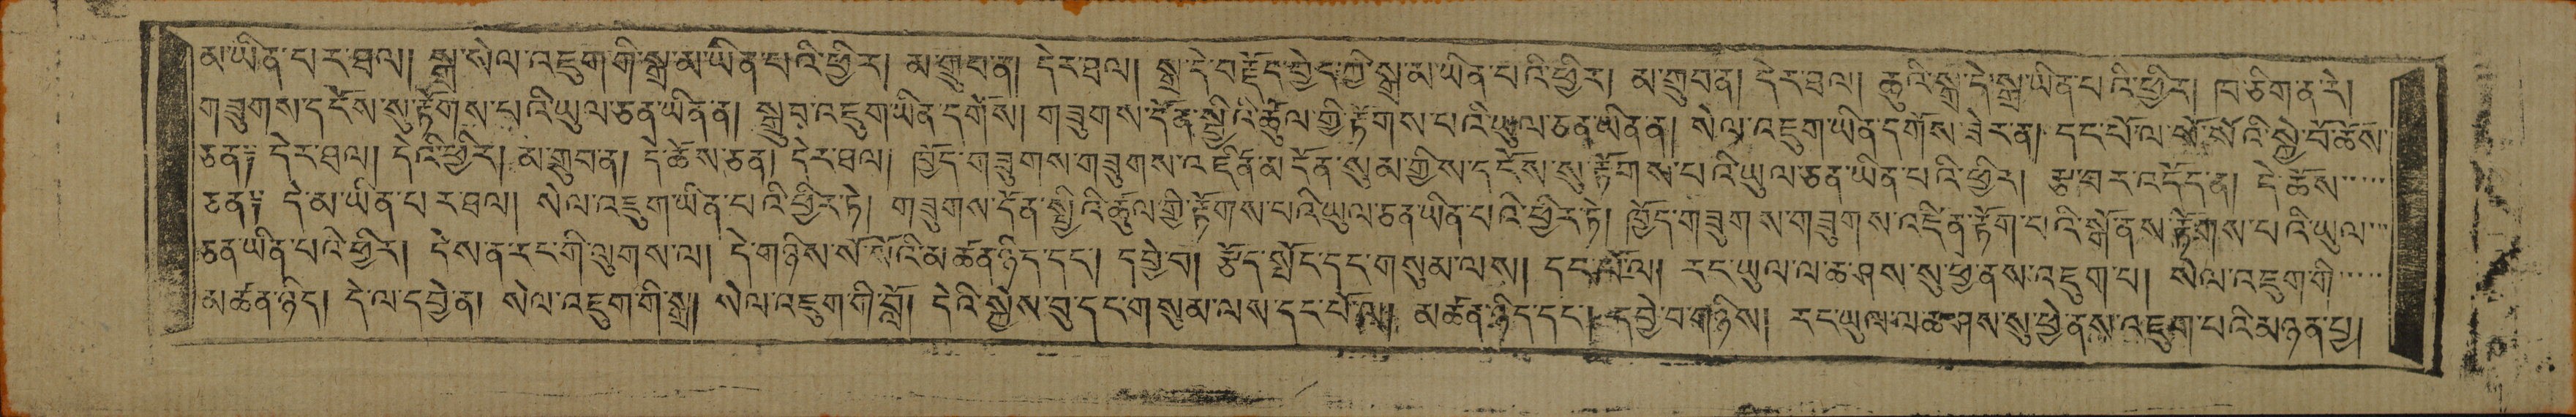མ་ཡིན་པར་ཐལ། སྒྲ་སེལ་འཇུག་གི་སྒྲ་མ་ཡིན་པའི་ཕྱིར། མ་གྲུབ་ན། དེར་ཐལ། སྒྲ་དེ་བརྗོད་བྱེད་ཀྱི་སྒྲ་མ་ཡིན་པའི་ཕྱིར། མ་གྲུབ་ན། དེར་ཐལ། ཆུའི་སྒྲ་དེ་སྒྲ་ཡིན་པའི་ཕྱིར། ཁ་ཅིག་ན་རེ།
གཟུགས་དངོས་སུ་རྟོགས་པའི་ཡུལ་ཅན་ཡིན་ན། སྒྲུབ་འཇུག་ཡིན་དགོས། གཟུགས་དོན་སྤྱིའི་ཚུལ་གྱི་རྟོགས་པའི་ཡུལ་ཅན་ཡིན་ན། སེལ་འཇུག་ཡིན་དགོས་ཟེར་ན། དང་པོ་ལ་སོ་སོའི་སྐྱེ་བོ་ཆོས་
ཅན༑ དེར་ཐལ། དེའི་ཕྱིར། མ་གྲུབ་ན། དེ་ཆོས་ཅན། དེར་ཐལ། ཁྱོད་གཟུགས་གཟུགས་འཛིན་མངོན་སུམ་གྱིས་དངོས་སུ་རྟོགས་པའི་ཡུལ་ཅན་ཡིན་པའི་ཕྱིར། རྩ་བར་འདོད་ན། དེ་ཆོས་
ཅན༑ དེ་མ་ཡིན་པར་ཐལ། སེལ་འཇུག་ཡིན་པའི་ཕྱིར་ཏེ། གཟུགས་དོན་སྤྱིའི་ཚུལ་གྱི་རྟོགས་པའི་ཡུལ་ཅན་ཡིན་པའི་ཕྱིར་ཏེ། ཁྱོད་གཟུགས་གཟུགས་འཛིན་རྟོག་པའི་སྒོ་ནས་རྟོགས་པའི་ཡུལ་
ཅན་ཡིན་པའི་ཕྱིར། དེས་ན་རང་གི་ལུགས་ལ། དེ་གཉིས་སོ་སོའི་མཚན་ཉིད་དང་། དབྱེ་བ། རྩོད་སྤོང་དང་གསུམ་ལས། དང་པོ་ལ། རང་ཡུལ་ལ་ཆ་ཤས་སུ་ཕྱེ་ནས་འཇུག་པ། སེལ་འཇུག་གི་
མཚན་ཉིད། དེ་ལ་དབྱེ་ན། སེལ་འཇུག་གི་སྒྲ། སེལ་འཇུག་གི་བློ། དེའི་སྐྱེས་བུ་དང་གསུམ་ལས་དང་པོ་ལ། མཚན་ཉིད་དང་། དབྱེ་བ་གཉིས། རང་ཡུལ་ལ་ཆ་ཤས་སུ་ཕྱེ་ནས་འཇུག་པའི་མཉན་བྱ།